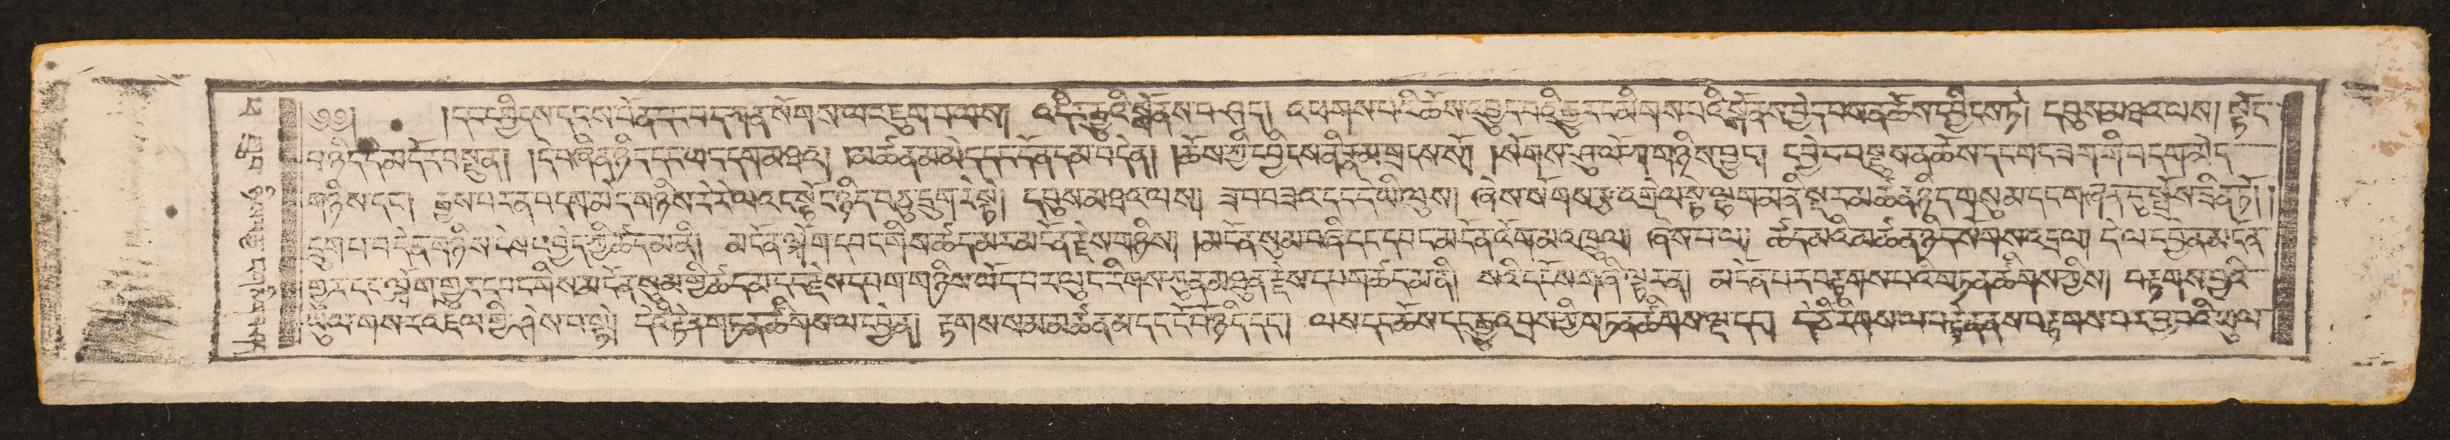༄༅། །དང་དབྱིངས་དང་ས་བོན་དང་བད་ཀན་སོགས་ལ་འཇུག་པ་ལས། འདིར་རྒྱུའི་སྒོ་ནས་བཤད། འཕགས་པའི་ཆོས་འབྱུང་བའི་རྒྱུར་དམིགས་པའི་སྒོ་ནས་བྱེད་པས་ན་ཆོས་དབྱིངས་ཏེ། དབུས་མཐའ་ལས། སྟོང་
པ་ཉིད་དེ་མདོར་བསྡུ་ན། །དེ་བཞིན་ཉིད་དང་ཡང་དག་མཐའ། །མཚན་མ་མེད་དང་དོན་དམ་བདེན། །ཆོས་ཀྱི་དབྱིངས་ནི་རྣམ་གྲངས་སོ། །སོགས་ཤུ་ལོ་ཀ་གཉིས་བྱུང་། དབྱེ་བ་བསྡུས་ན་ཆོས་དང་གང་ཟག་གི་བདག་མེད་
གཉིས་དང་། རྒྱས་བར་ན་བདག་མེད་གཉིས་རེ་རེ་ལ་འང་སྟོང་ཉིད་བཅུ་དྲུག་རེ་སྟེ། དབུས་མཐའ་ལས། ཟབ་བཟའ་དང་དེ་ཡི་ལུས། ཞེས་སོགས་རྩ་འགྲེལ་སྟེ་ལྷག་མ་ནི་སྔར་མཚན་ཉིད་གསུམ་དང་གཞན་དུ་སྤྲོས་ཟིན་ཏོ། །
དྲུག་པ་བདེན་གཉིས་ངེས་འབྱེད་ཀྱི་ཚད་མ་ནི། མངོན་ལྐོག་དབང་གིས་ཚད་མར་མངོན་རྗེས་གཉིས། །མངོན་སུམ་བཞི་དང་དབང་མངོན་འོག་མ་འཁྲུལ། ཞེས་པ་ལ། ཚད་མའི་མཚན་ཉིད་སོགས་འདྲ་ལ། དེ་ལ་དབྱེན་མངོན་
གྱུར་དང་ལྐོག་གྱུར་དབང་གིས་མངོན་སུམ་གྱི་ཚད་མ་དང་རྗེས་དཔག་གཉིས་ཡོད་པར་ལུང་རིགས་ཀུན་མཐུན་རྗེས་དཔག་ཚད་མ་ནི། སའི་དངོས་གཞི་ལྟར་ན། མངོན་པར་བརྟགས་པའི་གཏན་ཚིགས་ཀྱིས། བརྟགས་བྱའི་
ཡུལ་གསར་འཇལ་གྱི་ཤེས་པ་སྟེ། དེའི་རྟེན་གཏན་ཚིགས་ལ་དབྱེ་ན། རྟགས་སམ་མཚན་མ་དང་ངོ་བོ་ཉིད་དང་། ལས་དང་ཆོས་དང་རྒྱུ་འབྲས་ཀྱི་གཏན་ཚིགས་ལྔ་དང་། དེ་ཅི་རིགས་ལ་བརྟེན་ནས་བརྟགས་པར་བྱ་བའི་ཡུལ་